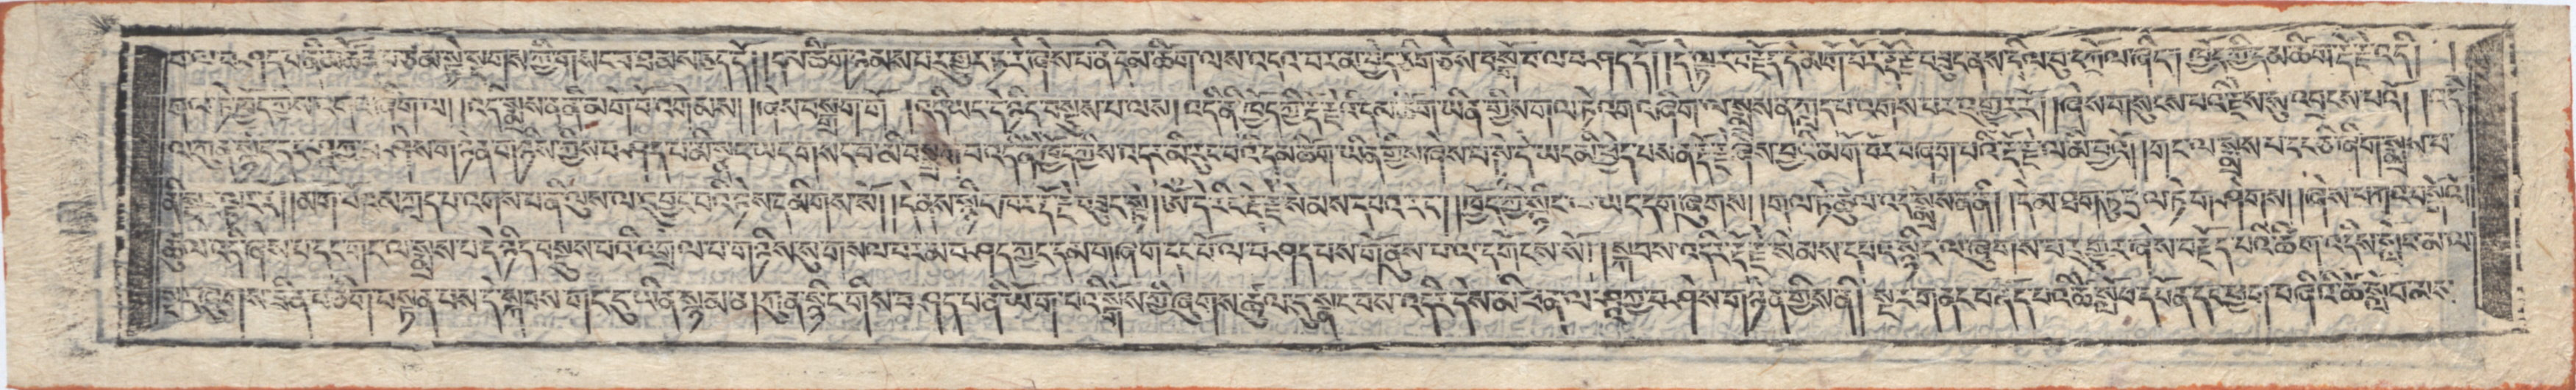བ་ལ་བཤད་པ་ནི་མཚོན་པ་ཙམ་སྟེ་སྔགས་ཀྱི་གསང་བ་ཐམས་ཅད་དོ། །དམ་ཚིག་ཉམས་པར་གྱུར་ཏ་རེ་ཞེས་པ་ནི་དམ་ཚིག་ལས་འདའ་བར་མ་བྱེད་ཅིག་ཅེས་བསྒོ་བ་ལ་བཤད་དོ། །དེ་ལྟར་བརྗོད་དེ་མགོ་བོར་རྡོ་རྗེ་བཟུང་ནས་དྲིལ་བུ་དཀྲོལ་ཞིང་། ཁྱོད་ཀྱི་དམ་ཚིག་རྡོ་རྗེ་འདི། །
གལ་ཏེ་ཁྱོད་ཀྱིས་འགའ་ཞིག་ལ། །འདི་སྨྲས་ན་ནི་མགོ་བོ་འགོམས། །ཞེས་བསྒྲག་གོ །འདི་ཡང་དེ་ཉིད་བསྡུས་པ་ལས། འདི་ནི་ཁྱོད་ཀྱི་རྡོ་རྗེའི་དམ་ཚིག་ཡིན་གྱིས་གལ་ཏེ་འགའ་ཞིག་ལ་སྨྲས་ན་ཀླད་པ་འགས་པར་འགྱུར་རོ། །ཞེས་གསུངས་པའི་རྗེས་སུ་འབྲངས་པའོ། །འདི་
ལ་ཀུན་སྙིང་དང་ཤཱཀྱ་བཤེས་གཉེན་གཉིས་ཀྱིས་བཤད་པ་མི་སྣང་ཡང་གསང་བ་མི་བསྒྲག་བ་འདི་ནི་ཁྱོད་ཀྱིས་འདོར་མི་རུང་བའི་དམ་ཚིག་ཡིན་གྱིས་ཞེས་པ་སྟེ་དེ་ཡང་མི་ཕྱེད་པས་ན་རྡོ་རྗེ་ཞེས་བྱའི་མགོ་བོར་བཞག་པའི་རྡོ་རྗེ་ལ་མི་བྱའོ། །གང་ལ་སྨྲས་པ་དང་ཅི་ཞིག་སྨྲས་པ་
ནི་སྔར་ལྟར་རོ། །མགོ་བོའམ་ཀླད་པ་འགས་པ་ནི་ལུས་ལ་འབྱུང་བའི་ཉེས་དམིགས་སོ། །དེ་ནས་སྙིང་ཁར་རྡོ་རྗེ་བཟུང་སྟེ། ཨོཾ་དེ་རིང་རྡོ་རྗེ་སེམས་དཔའ་རང་། །ཁྱོད་ཀྱི་སྙིང་ལ་ཡང་དག་ཞུགས། །གལ་ཏེ་ཚུལ་འདི་སྨྲས་ན་ནི། །དེ་མ་ཐག་ཏུ་དྲལ་ཏེ་གཤེགས། །ཞེས་བཀའ་བསྒོའོ།
ཚུལ་འདི་ཞེས་པ་དང་གང་ལ་སྨྲས་པ་དེ་ཉིད་བསྡུས་པའི་འགྲེལ་པ་གཉིས་སུ་གསལ་བར་མ་བཤད་ཀྱང་དམ་གཞག་དང་པོ་ལ་བཤད་པས་གོ་ནུས་པ་ལ་དགོངས་སོ། །སྐབས་འདིར་རྡོ་རྗེ་སེམས་དཔའ་སྙིང་ལ་ཞུགས་པར་གྱུར་ཞེས་བརྗོད་པའི་ཚིག་འདིས་སློབ་མ་ལ་
སྔར་ཞུགས་ཟིན་པ་ཅིག་བསྟན་པས་དེ་སྐབས་གང་དུ་ཡིན་སྙམ་ན། ཀུན་སྙིང་གིས་བཤད་པ་ནི་ཡོ་ག་པའི་སྒོས་ཀྱི་ཞུགས་ཚུལ་དུ་སྣང་བས་འདིར་དེས་མི་ཕན་ལ་ཤཱཀྱ་བཤེས་གཉེན་གྱིས་ནི། སྔར་གནང་བ་ནོད་པའི་ཚེ་སློབ་དཔོན་དང་ཕྱག་བཞིའི་ཚེ་སློབ་མས་